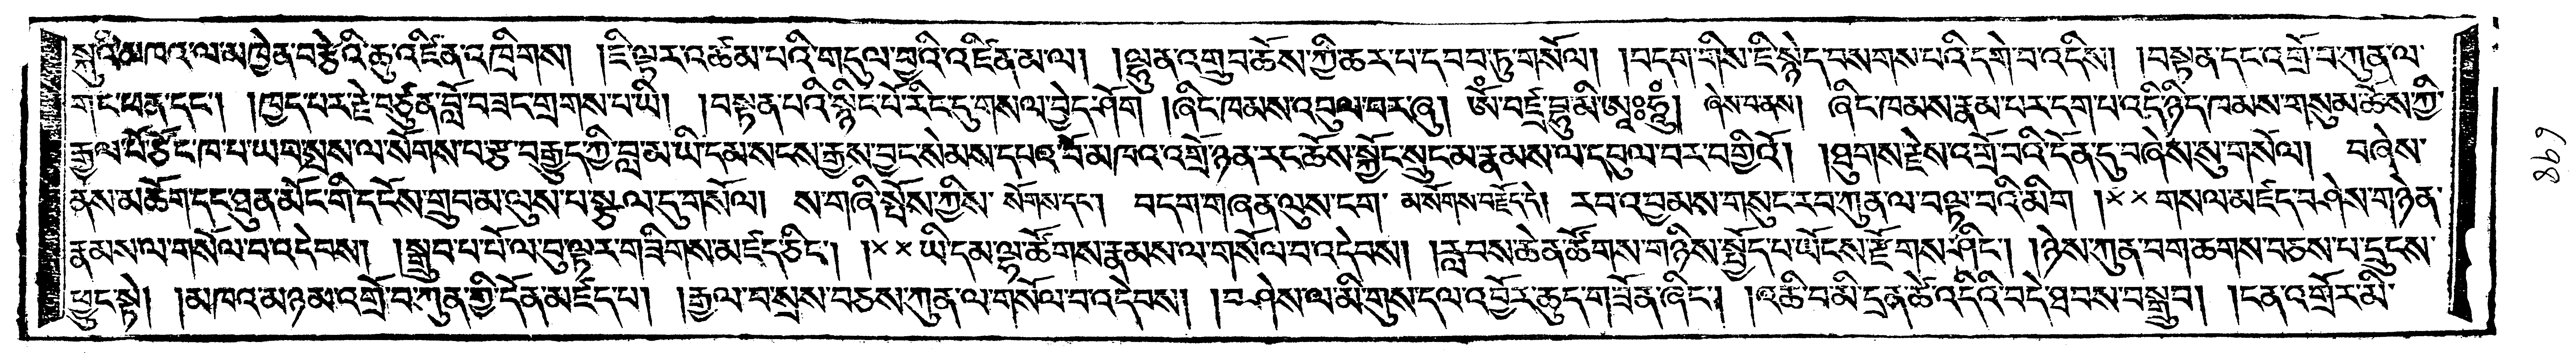སྐུའི་མཁའ་ལ་མཁྱེན་བརྩེའི་ཆུ་འཛིན་འཁྲིགས། །ཇི་ལྟར་འཚམ་པའི་གདུལ་བྱའི་འཛིན་མ་ལ། །ལྷུན་འགྲུབ་ཆོས་ཀྱ་ཆར་པད་བབ་ཏུ་གསོལ། །བདག་གིས་ཇི་སྙེད་བསགས་པའི་དགེ་བ་འདིས། །བསྟན་དང་འགྲོ་བ་ཀུན་ལ་
གང་ཕན་དང་། །ཁྱད་པར་རྗེ་བཙུན་བློ་བཟང་གྲགས་པ་ཡི། །བསྟེན་པའི་སྙིང་པོ་རིང་དུ་གསལ་བྱེད་ཤོག །ཞིང་ཁམས་འབུལ་བར་ཞུ། །ཨོཾ་བཛྲ་བྷུ་མི་ཨཱཿ ཧཱུཾ། ཞེས་པ་ནས།  ཞིང་ཁྲམས་རྣམ་པར་དག་པ་འདི་ཉིད་ཁམས་གསུམ་ཆོས་ཀྱི་
རྒྱལ་པོ་ཙོང་ཁ་པ་ཡབ་སྲས་ལ་སོགས་པ་རྩ་བརྒྱུད་ཀྱི་བླ་མ་ཡི་དམ་སངས་རྒྱས་བྱང་སེམས་དཔའ་བོ་མཁའ་འགྲོ་ཉན་རང་ཆོས་སྐྱོང་སྲུང་མ་རྣམས་ལ་དབུལ་བར་བགྱིའོ། །ཐུགས་རྗེས་འགྲོ་བའི་དོན་དུ་བཞེས་སུ་གསོལ། བཞེས་
ནས་མཆོག་དང་ཐུན་མོང་གི་དངོས་གྲུབ་མ་ལུས་པ་སྩལ་དུ་གསེལ། ས་གཞི་སྤོས་ཀྱིས་སོགས་དང་།  བདག་གཞན་ལུས་ངག་མ་སོགས་བརྗོད་དེ།  རབ་འབྱམས་གསུང་རབ་ཀུན་ལ་བལྟ་བའི་མིག །྾་྾་གསལ་མཛད་བཤེས་གཉེན་
རྣམས་ལ་གསོལ་བ་འདེབས། །སྒྲུབ་པ་པོ་ལ་བུ་ལྟར་གཟིགས་མཛད་ཅིང་། །྾་྾་ཡིད་དམ་ལྷ་ཚོགས་རྣམས་ལ་གསོལ་བ་འདེབས། །རླབས་ཆེན་ཚོགས་གཉིས་སྤྱོད་པ་ཡོངས་རྫོགས་ཤིང་། །ཉེས་ཀུན་བག་ཆགས་བཅས་པ་དྲུངས་
ཕྱུང་སྟེ། །མཁའ་མཉམ་འགྲོ་བ་ཀུན་གྱི་དོན་མཛད་པ། །རྒྱལ་བ་སྲས་བཅས་ཀུན་ལ་གསོལ་བ་འདེབས། །བཤེས་ལ་མི་གུས་དལ་འབྱོར་ཆུད་གཟོན་ཞིང་། །འཆི་བ་མི་དྲན་ཚེ་འདིའི་བདེ་ཐབས་བསྒྲུབ། །ངན་འགྲོར་མི་